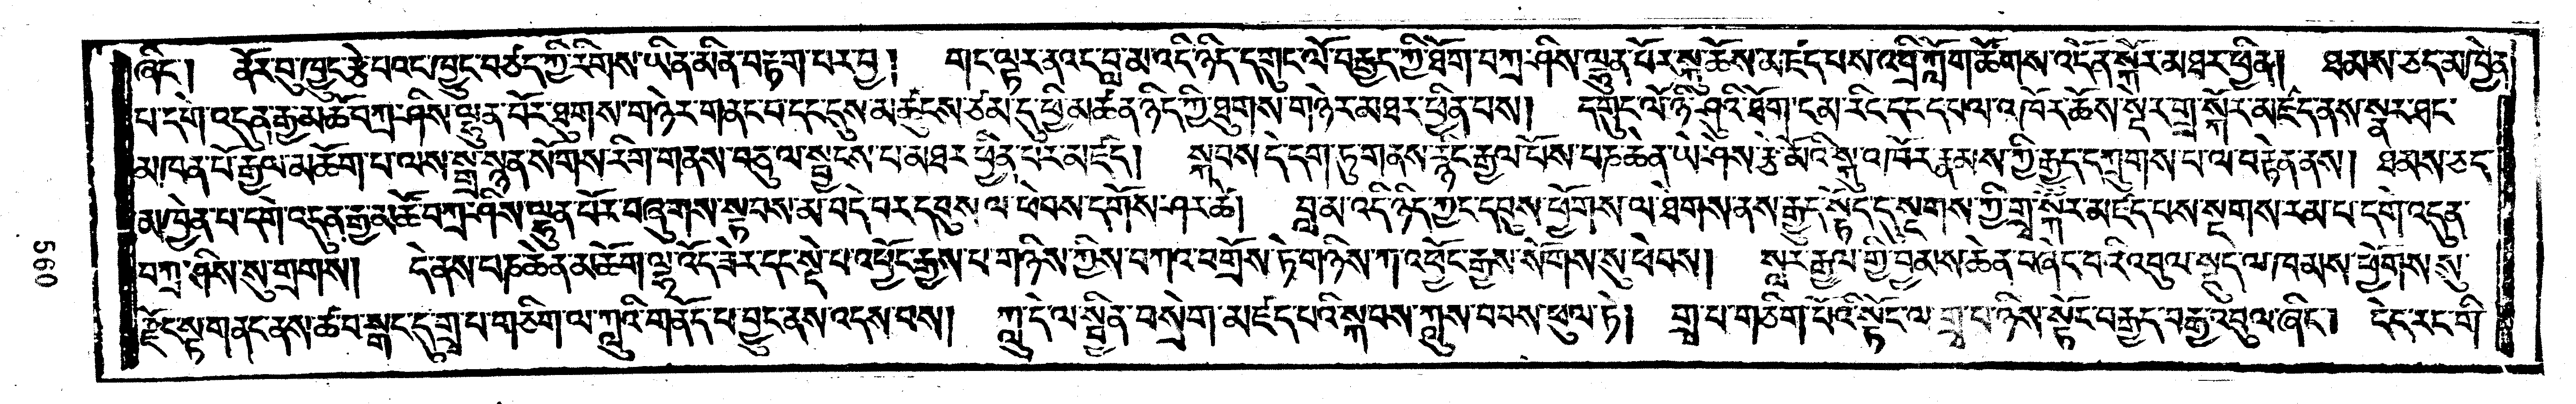ཞིང་། ནོར་བུ་ཁྱུད་རྩེ་བའང་ཁྱུང་བཙད་ཀྱི་རིགས་ཡིན་མིན་བརྟག་པར་བྱ། གང་ལྟར་ནའང་བླ་མ་འདི་ཉིད་དགོང་ལོ་བརྒྱད་ཀྱི་ཐོག་བཀྲ་ཤིས་ལྷུན་པོ་སྐུ་ཆོས་མཛད་པས་འབྲི་ཀློག་ཚོགས་འདོན་སྐོར་མཐར་ཕྱིན། ཐམས་ཅད་མཁྱེན་
པ་དགེ་འདུན་རྒྱ་མཚོ་བཀྲ་ཤིས་ལྷུན་བོར་ཐུགས་གཉེར་གནང་བ་དང་དུས་མཚུངས་ཙམ་དུ་ཕྱི་མཚན་ཉིད་ཀྱི་ཐུགས་གཉེར་མཐར་ཕྱིན་པས། དགུང་ལོ་ཉི་ཤུའི་ཐོག་གནམ་རིང་དང་དཔལ་འཁོར་ཆོས་སྡེར་གྲ་སྐོར་མཛད་ནས་སྣར་ཐང་
མཁན་པོ་རྒྱལ་མཆོག་པ་ལས་སྒྲ་སྙན་སོགས་རིག་གནས་བཅུ་ལ་སྦྱངས་པ་མཐར་ཕྱིན་པར་མཛད། སྐབས་དེ་དག་ཏུ་གནས་རྙིང་རྒྱལ་པོས་པཎ་ཆེན་ཡེ་ཤེས་རྩེ་མོའི་སྐུ་འཁོར་རྣམས་ཀྱི་རྒྱུད་དཀྲུགས་པ་ལ་བརྟེན་ནས། ཐམས་ཅད་
མཁྱེན་པ་དགེ་འདུན་རྒྱ་མཚོ་བཀྲ་ཤིས་ལྷུན་པོར་བཞུགས་སྟབས་མ་བདེ་བར་དབུས་ལ་ཕེབས་དགོས་ཤར་ཚེ། བླ་མ་འདི་ཉིད་ཀྱང་དབུས་ཕྱོགས་ལ་ཐེགས་ནས་རྒྱུད་སྟོང་དུ་སྔགས་ཀྱི་གྲྭ་སྐོར་མཛད་པས་སྔགས་རམ་པ་དགེ་འདུན་
བཀྲ་ཤིས་སུ་གྲགས། དེ་ནས་པཎ་ཆེན་མཆོག་ལྷ་འོད་ཟེར་དང་སྡེ་པ་འཕྱོང་རྒྱས་པ་གཉིས་ཀྱིས་བཀའ་བགྲོས་ཏེ་གཉིས་ཀ་འཕྱོང་རྒྱས་སོགས་སུ་ཕེབས། སླར་རྒྱལ་གྱི་བྱམས་ཆེན་བཞེང་བའི་འབུལ་སྡུད་ལ་ཁམས་ཕྱོགས་སུ་
རྫོང་སྟ་གནང་ནས་ཚ་བ་སྒང་དུ་གྲྭ་པ་གཅིག་ལ་ཀླའི་གནོད་པ་བྱུང་ནས་འདས་བས། ཀླུ་དེ་ལ་སྦྱིན་བསྲེག་མཛད་པའི་སྐབས་ཀླུས་བབས་ཕུལ་ཏེ། གྲྭ་པ་གཅིག་པོ་འི་སྟོང་ལ་གྲྭ་པ་ཉིས་སྟོང་བརྒྱད་འབུལ་ཞིང་། དེང་རང་གི་